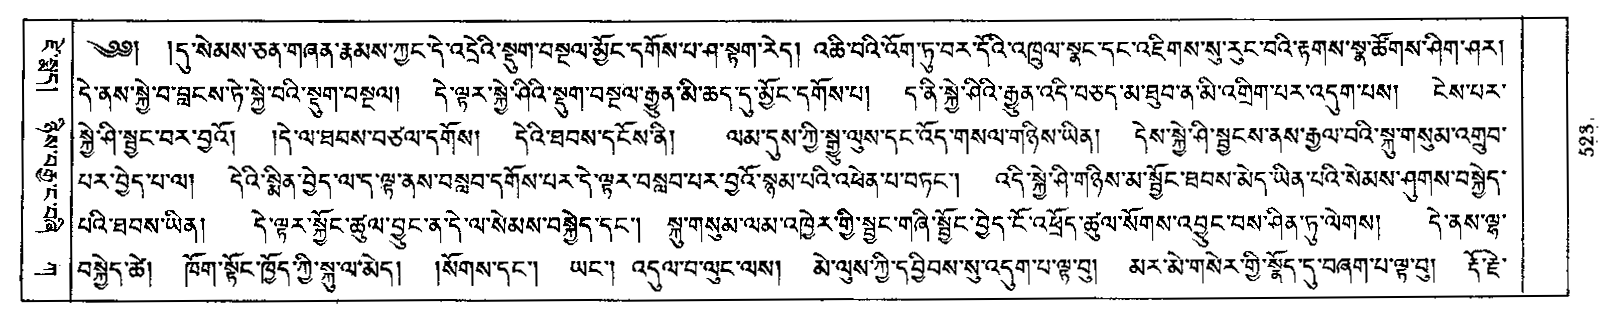༄༅། །དུ་སེམས་ཅན་གཞན་རྣམས་ཀྱང་དེ་འདྲེའི་སྡུག་བསྔལ་མྱོང་དགོས་པ་ཤ་སྟག་རེད། འཆི་བའི་འོག་ཏུ་བར་དོའི་འཁྲུལ་སྣང་དང་འཇིགས་སུ་རུང་བའི་རྟགས་སྣ་ཚོགས་ཤིག་ཤར།
དེ་ནས་སྐྱེ་བ་བླངས་ཏེ་སྐྱེ་བའི་སྡུག་བསྔལ། དེ་ལྟར་སྐྱེ་ཤིའི་སྡུག་བསྔལ་རྒྱུན་མི་ཆད་དུ་མྱོང་དགོས་པ། ད་ནི་སྐྱེ་ཤིའི་རྒྱུན་འདི་བཅད་མ་ཐུབ་ན་མི་འགྲིག་པར་འདུག་པས། ངེས་པར་
སྐྱེ་ཤི་སྦྱང་བར་བྱའོ། །དེ་ལ་ཐབས་བཙལ་དགོས། དེའི་ཐབས་དངོས་ནི། ལམ་དུས་ཀྱི་སྒྱུ་ལུས་དང་འོད་གསལ་གཉིས་ཡིན། དེས་སྐྱེ་ཤི་སྦྱངས་ནས་རྒྱལ་བའི་སྐུ་གསུམ་འགྲུབ་
པར་བྱེད་པ་ལ། དེའི་སྨིན་བྱེད་ལ་ད་ལྟ་ནས་བསླབ་དགོས་པར་དེ་ལྟར་བསླབ་པར་བྱའོ་སྙམ་པའི་འཕེན་པ་བཏང་། འདི་སྐྱེ་ཤི་གཉིས་མ་སྦྱོང་ཐབས་མེད་ཡིན་པའི་སེམས་ཤུགས་བསྐྱེད་
པའི་ཐབས་ཡིན། དེ་ལྟར་སྐྱོང་ཚུལ་བྱུང་ན་དེ་ལ་སེམས་བསྐྱེད་དང་། སྐུ་གསུམ་ལམ་འཁྱེར་གྱི་སྦྱང་གཞི་སྦྱོང་བྱེད་ངོ་འཕྲོད་ཚུལ་སོགས་འབྱུང་བས་ཤིན་ཏུ་ལེགས། དེ་ནས་ལྷ་
བསྐྱེད་ཚེ། ཁོག་སྟོང་ཁྱོད་ཀྱི་སྐུ་ལ་མེད། །སོགས་དང་། ཡང་། འདུལ་བ་ལུང་ལས། མེ་ལུས་ཀྱི་དབྱིབས་སུ་འདུག་པ་ལྟ་བུ། མར་མེ་གསེར་གྱི་སྣོད་དུ་བཞག་པ་ལྟ་བུ། རྡོ་རྗེ་